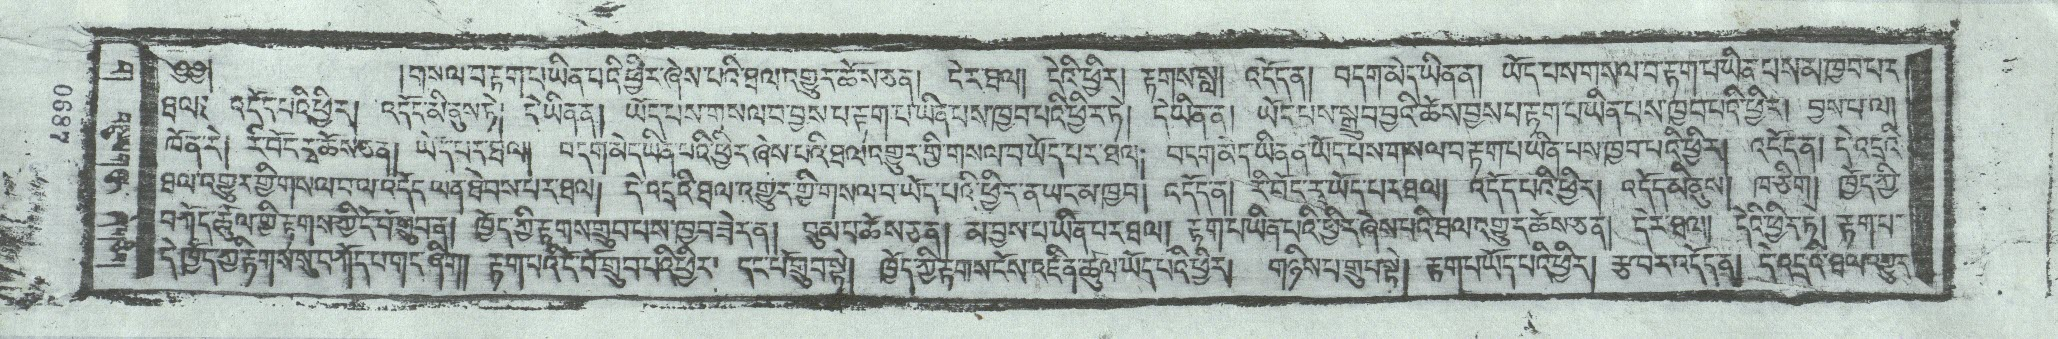༄༅། །གསལ་བ་རྟག་པ་ཡིན་པའི་ཕྱིར་ཞེས་པའི་ཐལ་འགྱུར་ཆོས་ཅན། དེར་ཐལ། དེའི་ཕྱིར། རྟགས་སླ། འདོད་ན། བདག་མེད་ཡིན་ན། ཡོད་པས་གསལ་བརྟག་པ་ཡིན་པས་མ་ཁྱབ་པར་
ཐལ༑ འདོད་པའི་ཕྱིར། འདོད་མི་ནུས་ཏེ། དེ་ཡིན་ན། ཡོད་པས་གསལ་བ་བྱས་པ་རྟག་པ་ཡིན་པས་ཁྱབ་པའི་ཕྱིར་ཏེ། དེ་ཡིན་ན། ཡོད་པས་སྒྲུབ་བྱའི་ཚེས་བྱས་པ་རྟག་པ་ཡིན་པས་ཁྱབ་པའི་ཕྱིར། བྱས་པ་ལ།
ཁོ་ན་རེ། རི་བོང་རྭ་ཆོས་ཅན། ཡོད་པར་ཐལ། བདག་མེད་ཡིན་པའི་ཕྱིར་ཞེས་པའི་ཐལ་འགྱུར་གྱི་གསལ་བ་ཡོད་པར་ཐལ། བདག་མེད་ཡིན་ན་ཡོད་པས་གསལ་བརྟག་པ་ཡིན་པས་ཁྱབ་པའི་ཕྱིར། འདོད་ན། དེ་འདྲའི་
ཐལ་འགྱུར་གྱི་གསལ་བ་ལ་འདོད་ལན་ཐེབས་པར་ཐལ། དེ་འདྲའི་ཐལ་འགྱུར་གྱི་གསལ་བ་ཡོད་པའི་ཕྱིར་ན་ཡང་མ་ཁྱབ། འདོད་ན། རི་བོང་རྭ་ཡོད་པར་ཐལ། འདོད་པའི་ཕྱིར། འདོད་མི་ནུས། ཁ་ཅིག། ཁྱོད་ཀྱི་
བཀོད་ཚུལ་གྱི་རྟགས་ཀྱི་ངོ་བོ་གྲུབ་ན། ཁྱོད་ཀྱི་རྟགས་གྲུབ་པས་ཁྱབ་ཟེར་ན། བུམ་པ་ཆོས་ཅན། མ་བྱས་པ་ཡིན་པར་ཐལ། རྟག་པ་ཡིན་པའི་ཕྱིར་ཞེས་པའི་ཐལ་འགྱུར་ཆོས་ཅན། དེར་ཐལ། དེའི་ཕྱིར་ཏེ། རྟག་པ་
དེ་ཁྱོད་ཀྱི་རྟགས་སུ་བཀོད་པ་གང་ཞིག། རྟག་པའི་ངོ་བོ་གྲུབ་པའི་ཕྱིར་དང་པོ་གྲུབ་སྟེ། ཁྱོད་ཀྱི་རྟགས་ངོས་འཛིན་ཚུལ་ཡོད་པའི་ཕྱིར། གཉིས་པ་གྲུབ་སྟེ། རྟག་པ་ཡོད་པའི་ཕྱིར། རྩ་བར་འདོད་ན། དེ་འདྲའི་ཐལ་འགྱུར་